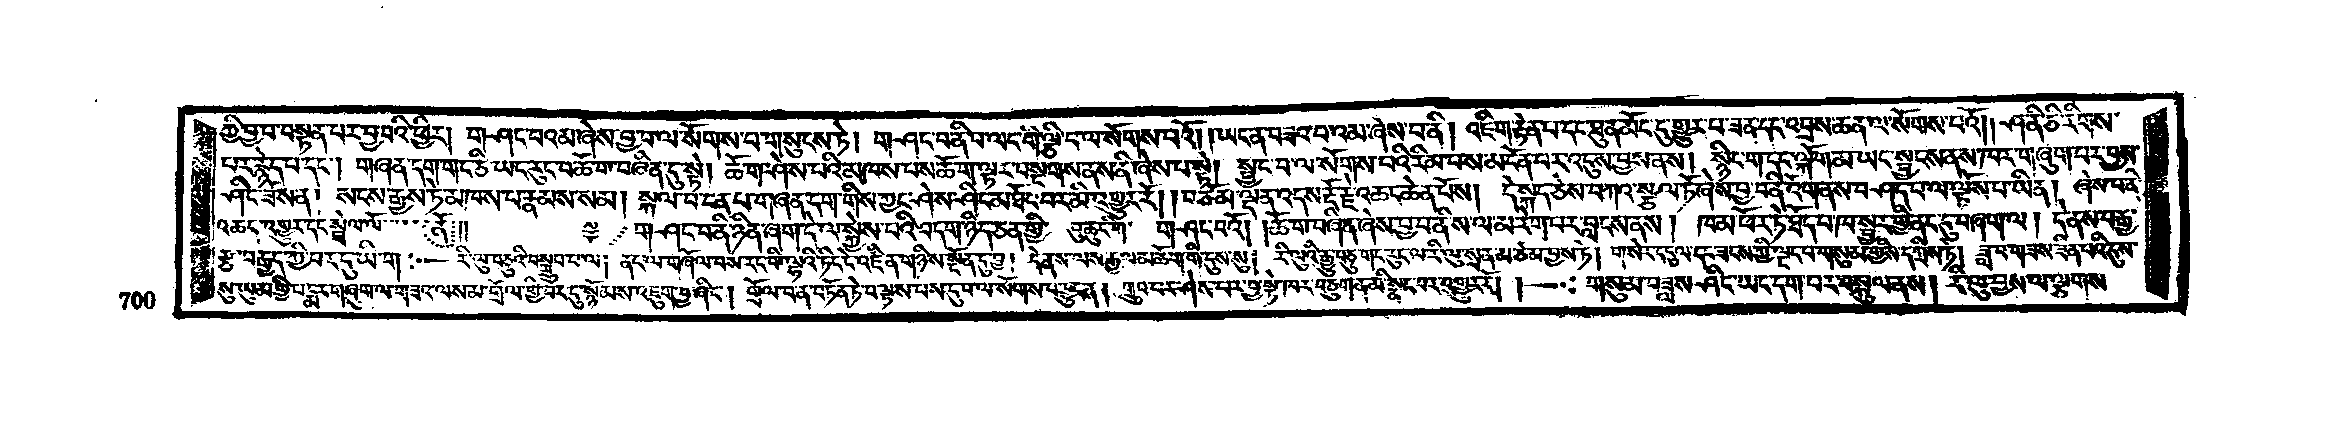ཀྱི་བྱ་བ་བསྟན་པར་བྱ་བའི་ཕྱིར། གཤད་བའམ་ཞེས་བྱ་བ་ལ་སོགས་པ་གསུངས་ཏེ། གཤང་བ་ནི་བ་ལང་གི་ལྕི་བ་ལ་སོགས་པའོ། །ཡང་ན་བཟའ་བ་འམ་ཞེས་པ་ནི། འཇིག་རྟེན་པ་དང་ཐུན་མོང་དུ་གྱུར་པ་ཟན་དང་འབྲས་ཆན་ལ་སོགས་པའོ། །ཤ་ནི་ཅི་རིགས་
པར་རྙེད་པ་དང་། གཞན་དག་གང་ཅི་ཡང་རུང་བ་ཆོ་ག་བཞིན་དུ་སྟེ། ཆོ་ག་ཤེས་པའི་མཁས་པས་ཆོ་ག་ལྟར་བསྔགས་ནས་ནི་ཞེས་པ་སྟེ། སྦྱང་བ་ལ་སོགས་པའི་རིམ་པས་མངོན་པར་འདུས་བྱས་ནས། སྙིང་ག་དང་ལྐོག་མ་ཡང་སྦྱངས་ནས་ཁར་གཞུག་པར་བྱས་
ཤིང་ཟོས་ན། སངས་རྒྱས་ཏེ་མཁས་པ་རྣམས་སམ། སྐལ་བ་ངན་པ་གཞན་དག་གིས་ཀྱང་ཤེས་ཤིང་མཐོང་བར་མི་འགྱུར་རོ། །བཅོམ་ལྡན་འདས་རྡོ་རྗེ་འཆང་ཆེན་པོས། དེ་སྐད་ཅེས་བཀའ་སྩལ་ཏོ་ཞེས་བྱ་བ་ནི་འོག་ནས་བཤད་པ་ལ་ལྟོས་པ་ཡིན། ཞེས་པ་ནི་
འཆད་འགྱུར་དང་སྤེལ་ལོ་ནོ།། ༈ གཤང་བ་ནི་ཉིན་ཞག་དེ་ལ་སྐྱེས་པའི་བདག་ཉིད་ཅན་གྱི་བུ་ཆུང་གི་གཤང་པའོ། །ཆོ་ག་བཞིན་ཞེས་བྱ་བ་ནི་ས་ལ་མ་རེག་པར་བླངས་ནས། ཁམ་ཕོར་ཏེ་ཐོད་པ་ཁ་སྦྱར་གྱི་ནང་དུ་བཞག་ལ། དེ་ནས་བརྒྱ་
རྩ་བརྒྱད་ཀྱི་བར་དུ་ཡི་གཿ་རི་ལུ་བཅུའི་བསྒྲུབ་པ་ལ། ནང་ལ་གཞོལ་བས་རང་གི་ལྷའི་ཏིང་ངེ་འཛིན་གཉིས་སྔོན་དུ་བྱ། དེ་ནས་ལས་རྒྱལ་མཆོག་གི་དུས་སུ། རི་ལུའི་རྒྱུ་བཅུ་གང་རུང་ལ་རི་ལུ་སྲན་མ་ཙམ་བྱས་ཏེ། གསེར་དངུལ་དང་ཟངས་ཀྱི་ལྗང་པ་གསུམ་གྱིས་དཀྲིས་ཏེ། ཟླ་བ་གཟས་ཟིན་པའི་དུས་
སུ་ཡུམ་གྱི་པདམར་གཞུག་ལ་གཟའ་ལས་མ་གྲོལ་གྱི་བར་དུ་སྙོམས་འཇུག་བྱ་ཞིང་། གྲོལ་བ་ན་བཏོན་ཏེ་བལྟས་པས་དུ་བ་ལ་སོགས་པ་བྱུང་ན། གྲུབ་པར་ཤེས་པར་བྱ་སྟེ་ཁར་བཅུག་ན་མི་སྣང་བར་འགྱུར་རོ། ། .Hགསུམ་བཟླས་ཤིང་ཡང་དག་པར་བསྐུལ་ནས། རི་ལུ་བྱས་ལ་ལྕགས་